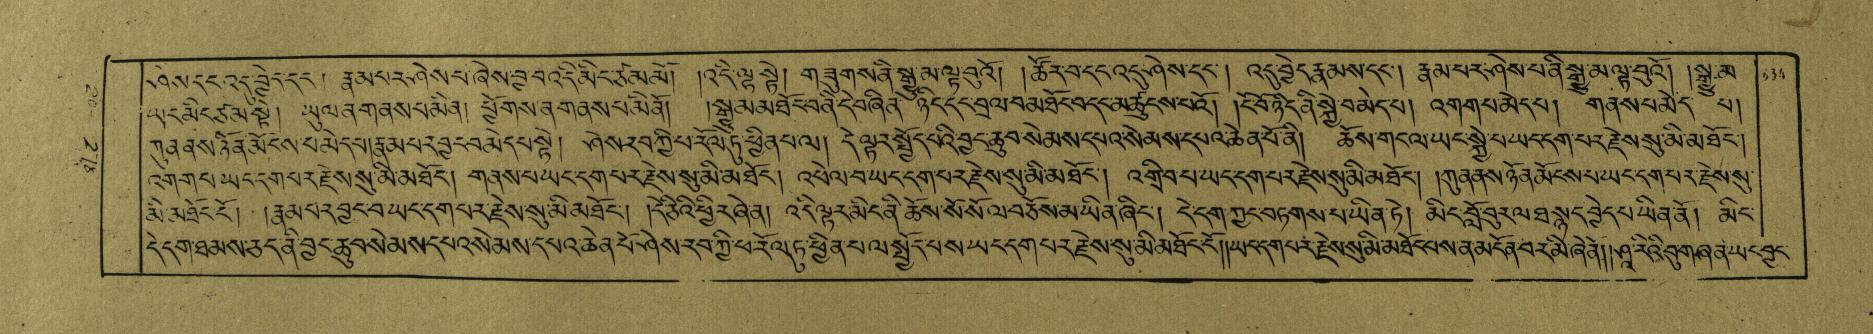ཤེས་དང་འདུ་བྱེད་དང་། རྣམ་པར་ཤེས་པ་ཞེས་བྱ་བ་འདི་མིང་ཙམ་མོ། །འདི་ལྟ་སྟེ། གཟུགས་ནི་སྒྱུ་མ་ལྟ་བུའོ། །ཚོར་བ་དང་འདུ་ཤེས་དང་། འདུ་བྱེད་རྣམས་དང་། རྣམ་པར་ཤེས་པ་ནི་སྒྱུ་མ་ལྟ་བུའོ། །སྒྱུ་མ་
ཡང་མིང་ཙམ་སྟེ། ཡུལ་ན་གནས་པ་མིན། ཕྱོགས་ན་གནས་པ་མིནོ། །སྒྱུ་མ་མཐོང་བ་ནི་དེ་བཞིན་ཉིད་དང་བྲལ་བ་མཐོང་བ་དང་མཚུངས་པའོ། །ངོ་བོ་ཉིད་ནི་སྐྱེ་བ་མེད་པ། འགག་པ་མེད་པ། གནས་པ་མེད་པ།
ཀུན་ནས་ཉོན་མོངས་པ་མེད་པ་།རྣམ་པར་བྱང་བ་མེད་པ་སྟེ། ཤེས་རབ་ཀྱི་ཕ་རོལ་ཏུ་ཕྱིན་པ་ལ། དེ་ལྟར་སྤྱོད་པའི་བྱང་ཆུབ་སེམས་དཔའ་སེམས་དཔའ་ཆེན་པོ་ནི། ཆོས་གང་ལ་ཡང་སྐྱེ་པ་ཡང་དག་པར་རྗེས་སུ་མི་མཐོང་།
འགག་པ་ཡང་དག་པར་རྗེས་སུ་མི་མཐོང་། གནས་པ་ཡང་དག་པར་རྗེས་སུ་མི་མཐོང་། འཕེལ་བ་ཡང་དག་པར་རྗེས་སུ་མི་མཐོང་། འགྲིབ་པ་ཡང་དག་པར་རྗེས་སུ་མི་མཐོང་། །ཀུན་ནས་ཉོན་མོངས་པ་ཡང་དག་པར་རྗེས་སུ་
མི་མཐོང་ངོ། །རྣམ་པར་བྱང་བ་ཡང་དག་པར་རྗེས་སུ་མི་མཐོང་། །དེ་ཅིའི་ཕྱིར་ཞེ་ན། འདི་ལྟར་མིང་ནི་ཆོས་སོ་སོ་ལ་བཅོས་མ་ཡིན་ཞིང་། དེ་དག་ཀྱང་བཏགས་པ་ཡིན་ཏེ། མིང་བློ་བུར་ལ་ཐ་སྙད་བྱེད་པ་ཡིན་ནོ། མིང་
དེ་དག་ཐམས་ཅད་ནི་བྱང་ཆུབ་སེམས་དཔའ་སེམས་དཔའ་ཆེན་པོ་ཤེས་རབ་ཀྱི་ཕ་རོལ་ཏུ་ཕྱིན་པ་ལ་སྤྱོད་པས་ཡང་དག་པར་རྗེས་སུ་མི་མཐོང་ངོ། །ཡང་དག་པར་རྗེས་སུ་མི་མཐོང་བས་ན་མངོན་བར་མི་ཞེནོ། །ཤཱ་རིའི་བུ་གཞན་ཡང་བྱང་